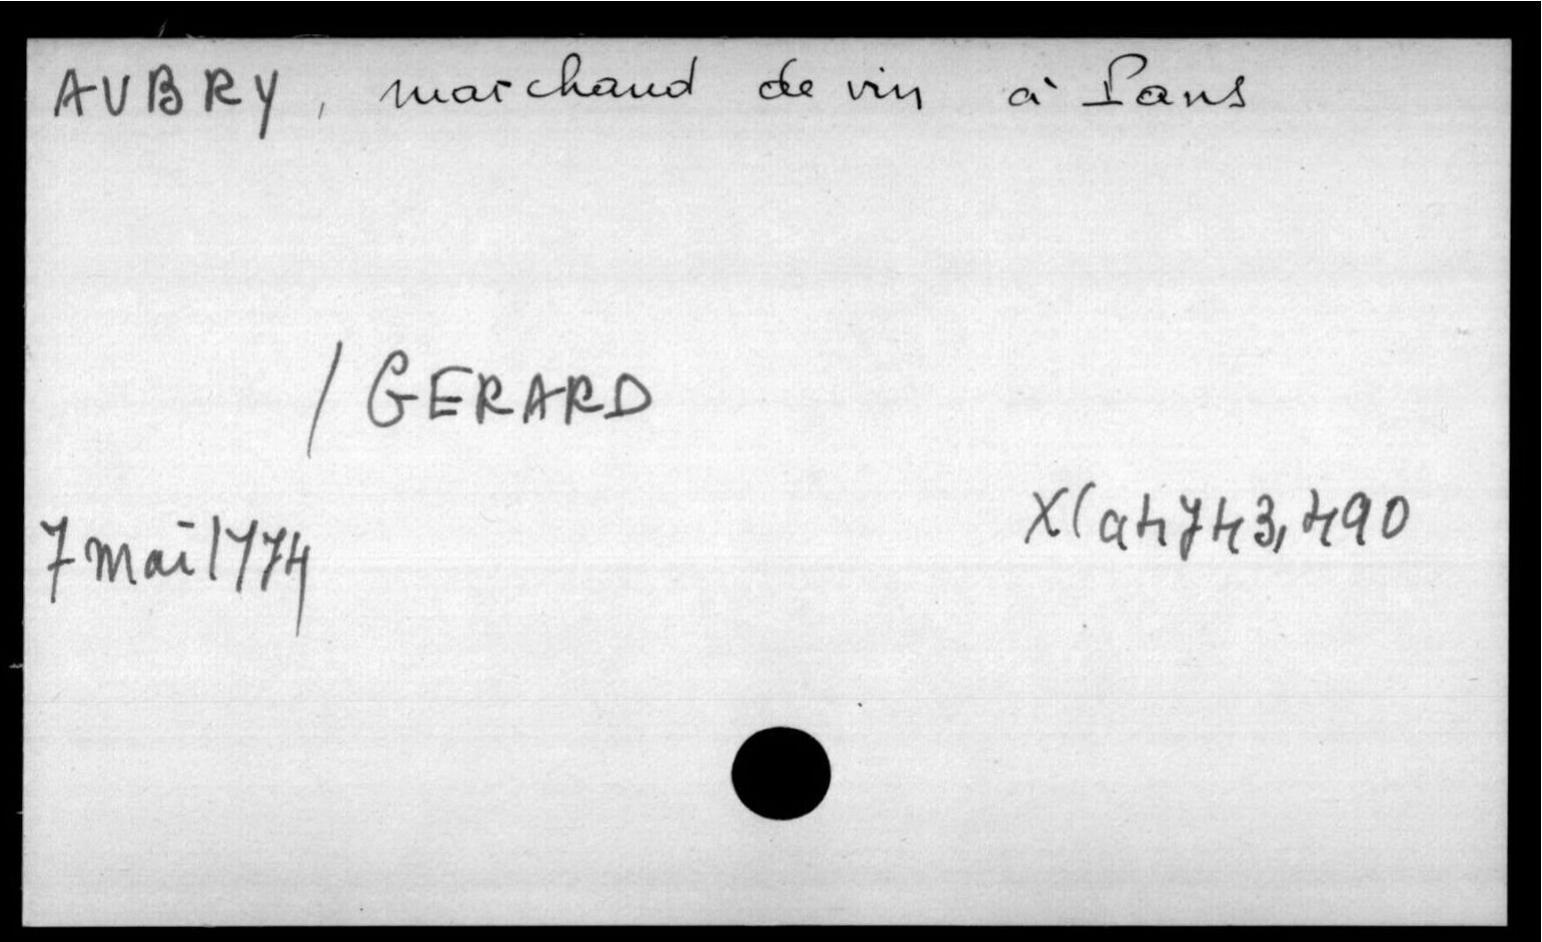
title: AUBRY, marchand de vin à Paris
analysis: Contre GERARD
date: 7 mai 1774
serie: X1A
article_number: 4743
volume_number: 490
